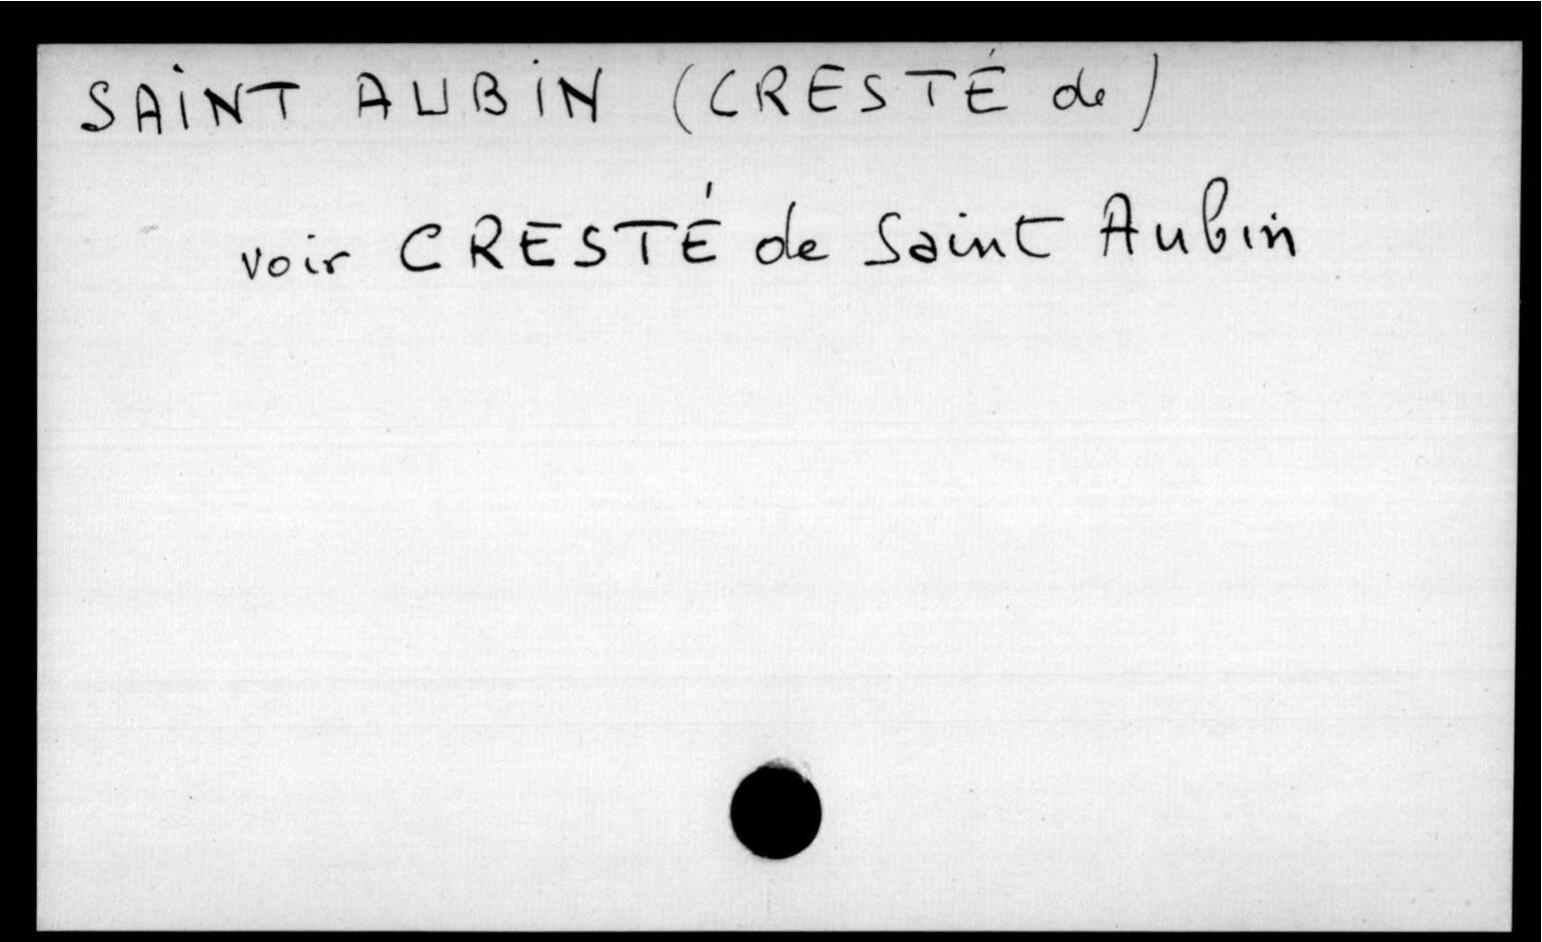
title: SAINT AUBIN (CRESTÉ de)
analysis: Voir CRESTÉ de Soint Aubin
